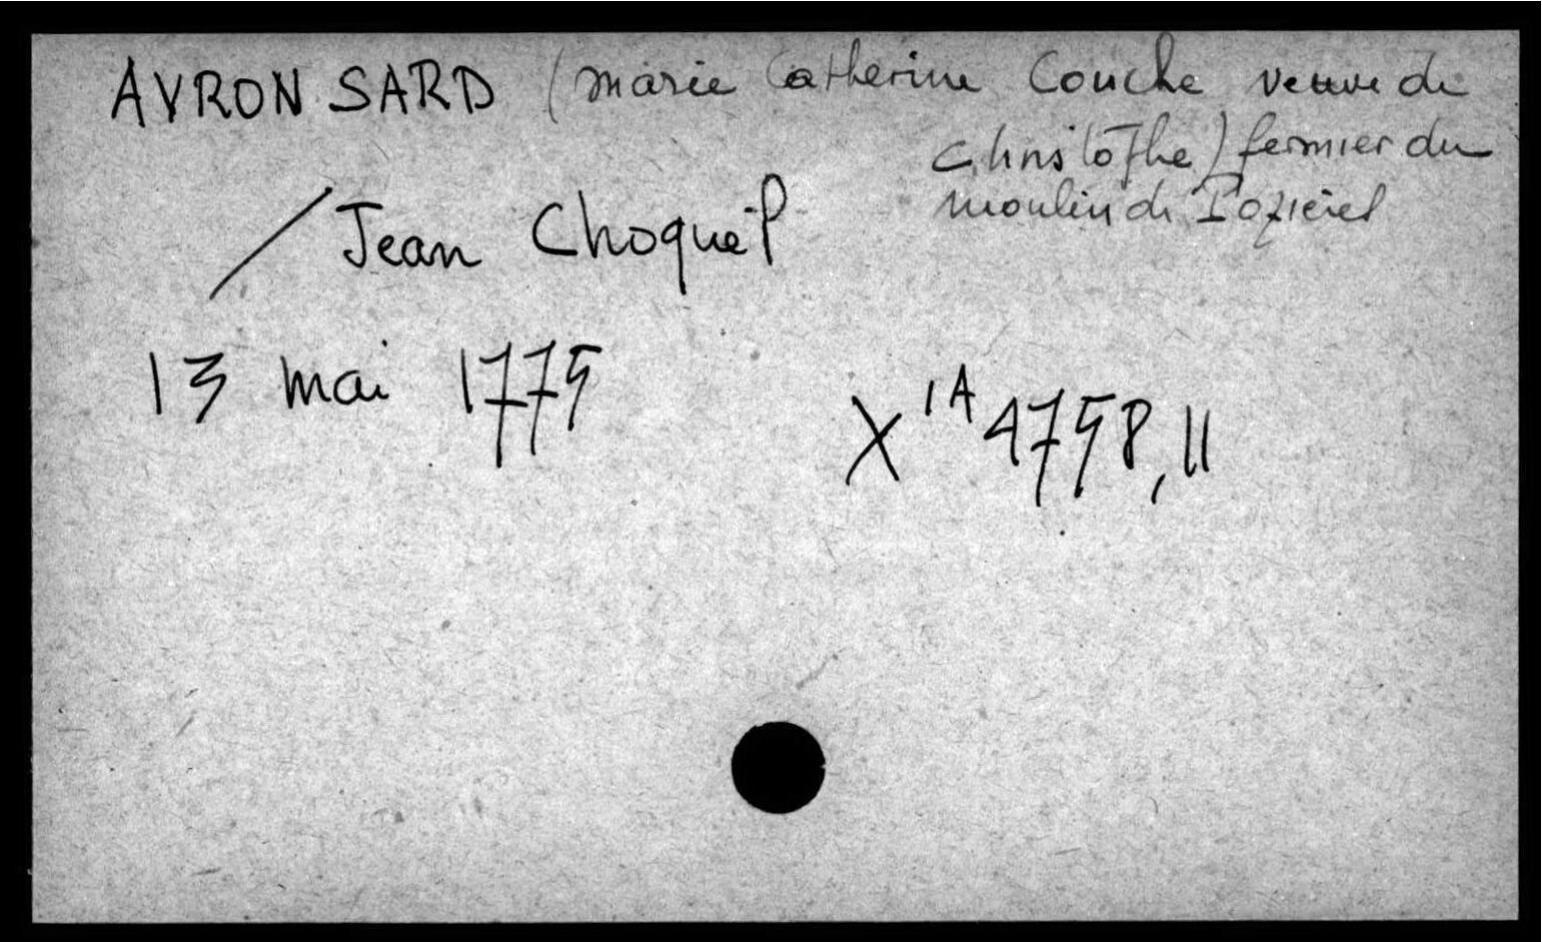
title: AVRONSARD (Marie Catherine Conche veuve de Christophe) fermier du moulin de Pozières
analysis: Contre Jean Choquel
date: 14 mai 1775
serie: X1A
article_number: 4758
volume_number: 11
